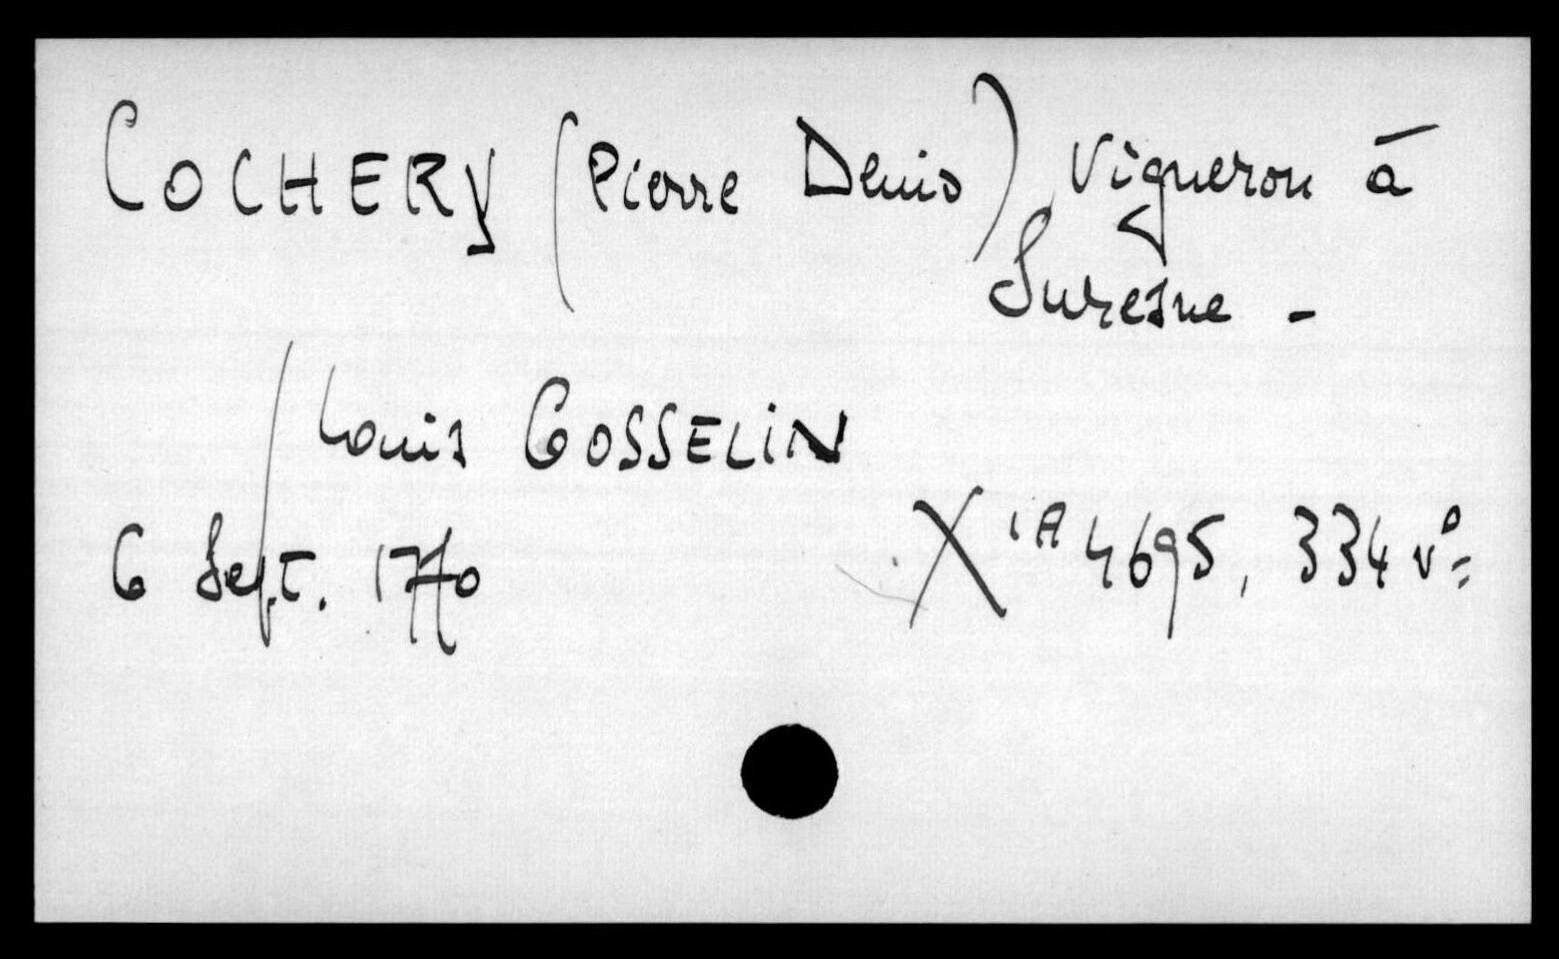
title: COCHERY (Pierre Denis) Vigneron à Suresne
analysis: Contre Louis GoSSELIN
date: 6 septembre 1770
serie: X1A
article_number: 4695
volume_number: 334v°
